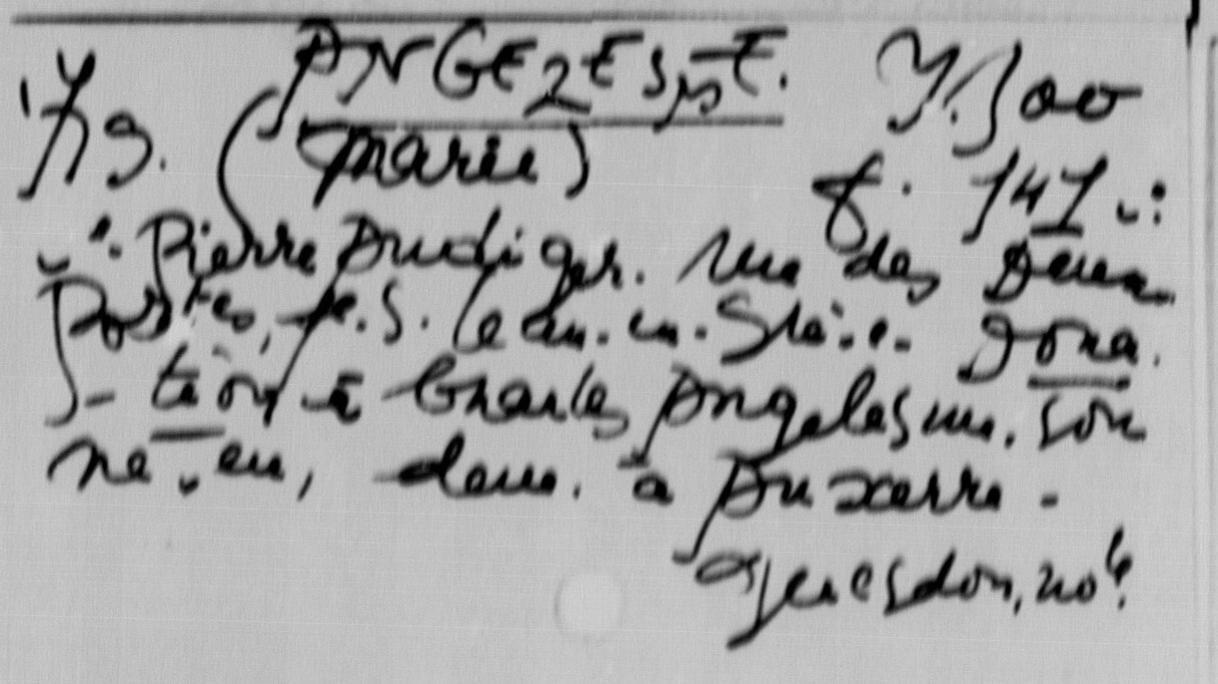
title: ANGELESME (Marie)
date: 1719
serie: Y
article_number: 300
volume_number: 141v
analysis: Veuve Pierre DUDIGER, rue des Deux-Postes, paroisse Saint-Jean-en-Grève. Donation à Charles ANGELESME, son neveu, demeurant à Auxerre. Guesdon, notaire.
